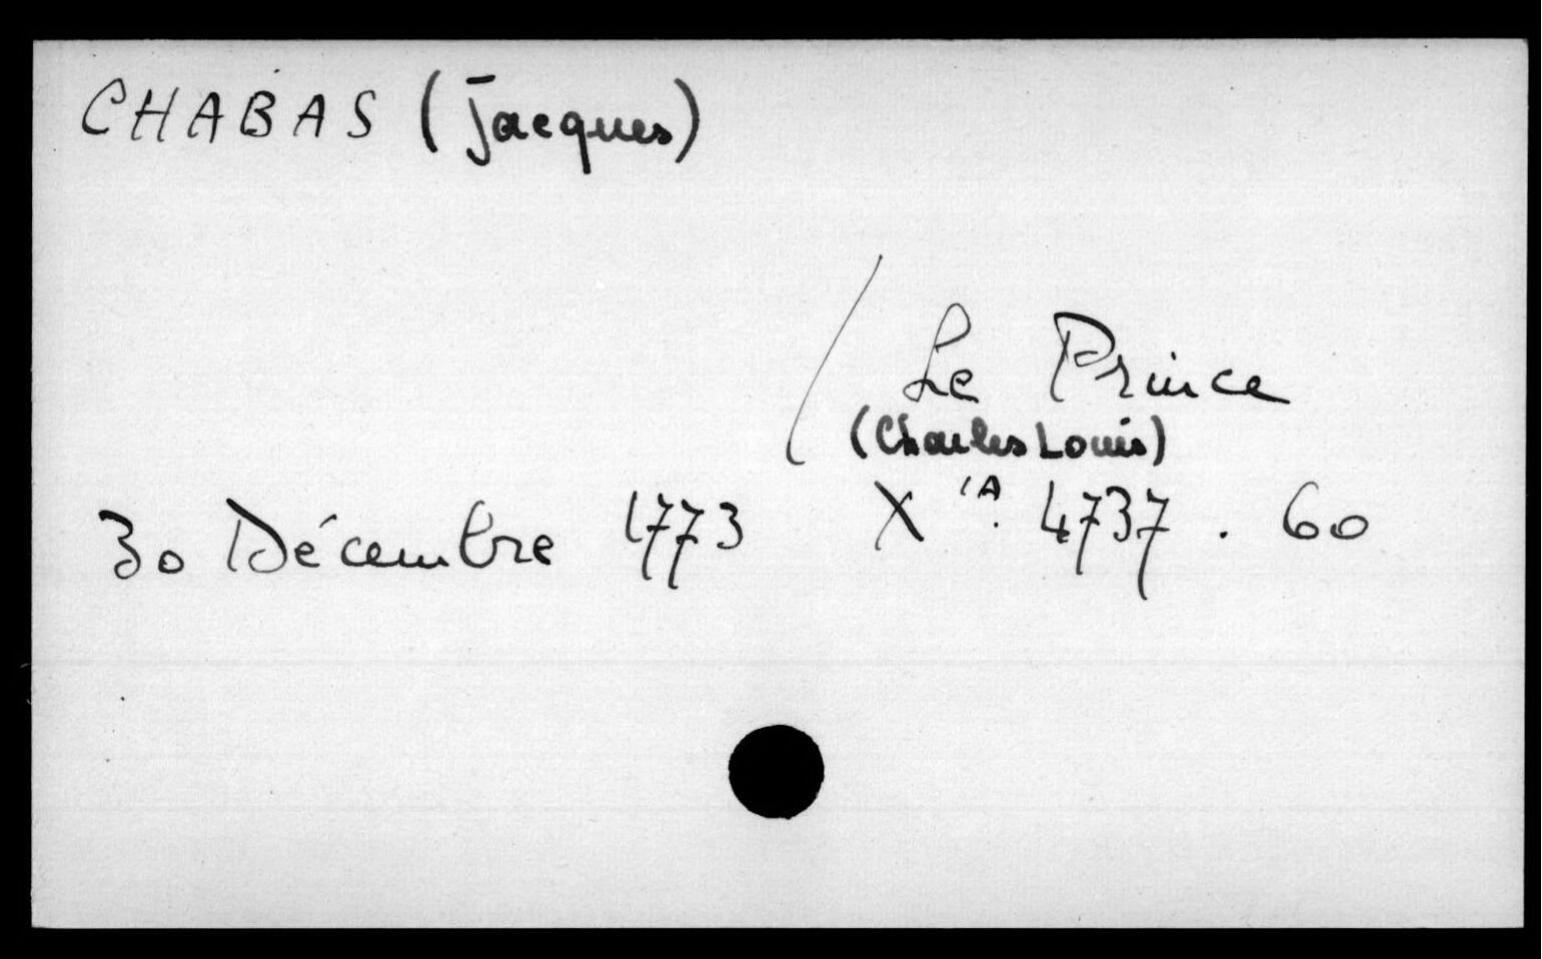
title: CHABAS (Jacques)
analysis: Contre Le Prince (Charles Louis)
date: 30 décembre 1773
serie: X1A
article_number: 4737
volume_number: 60
